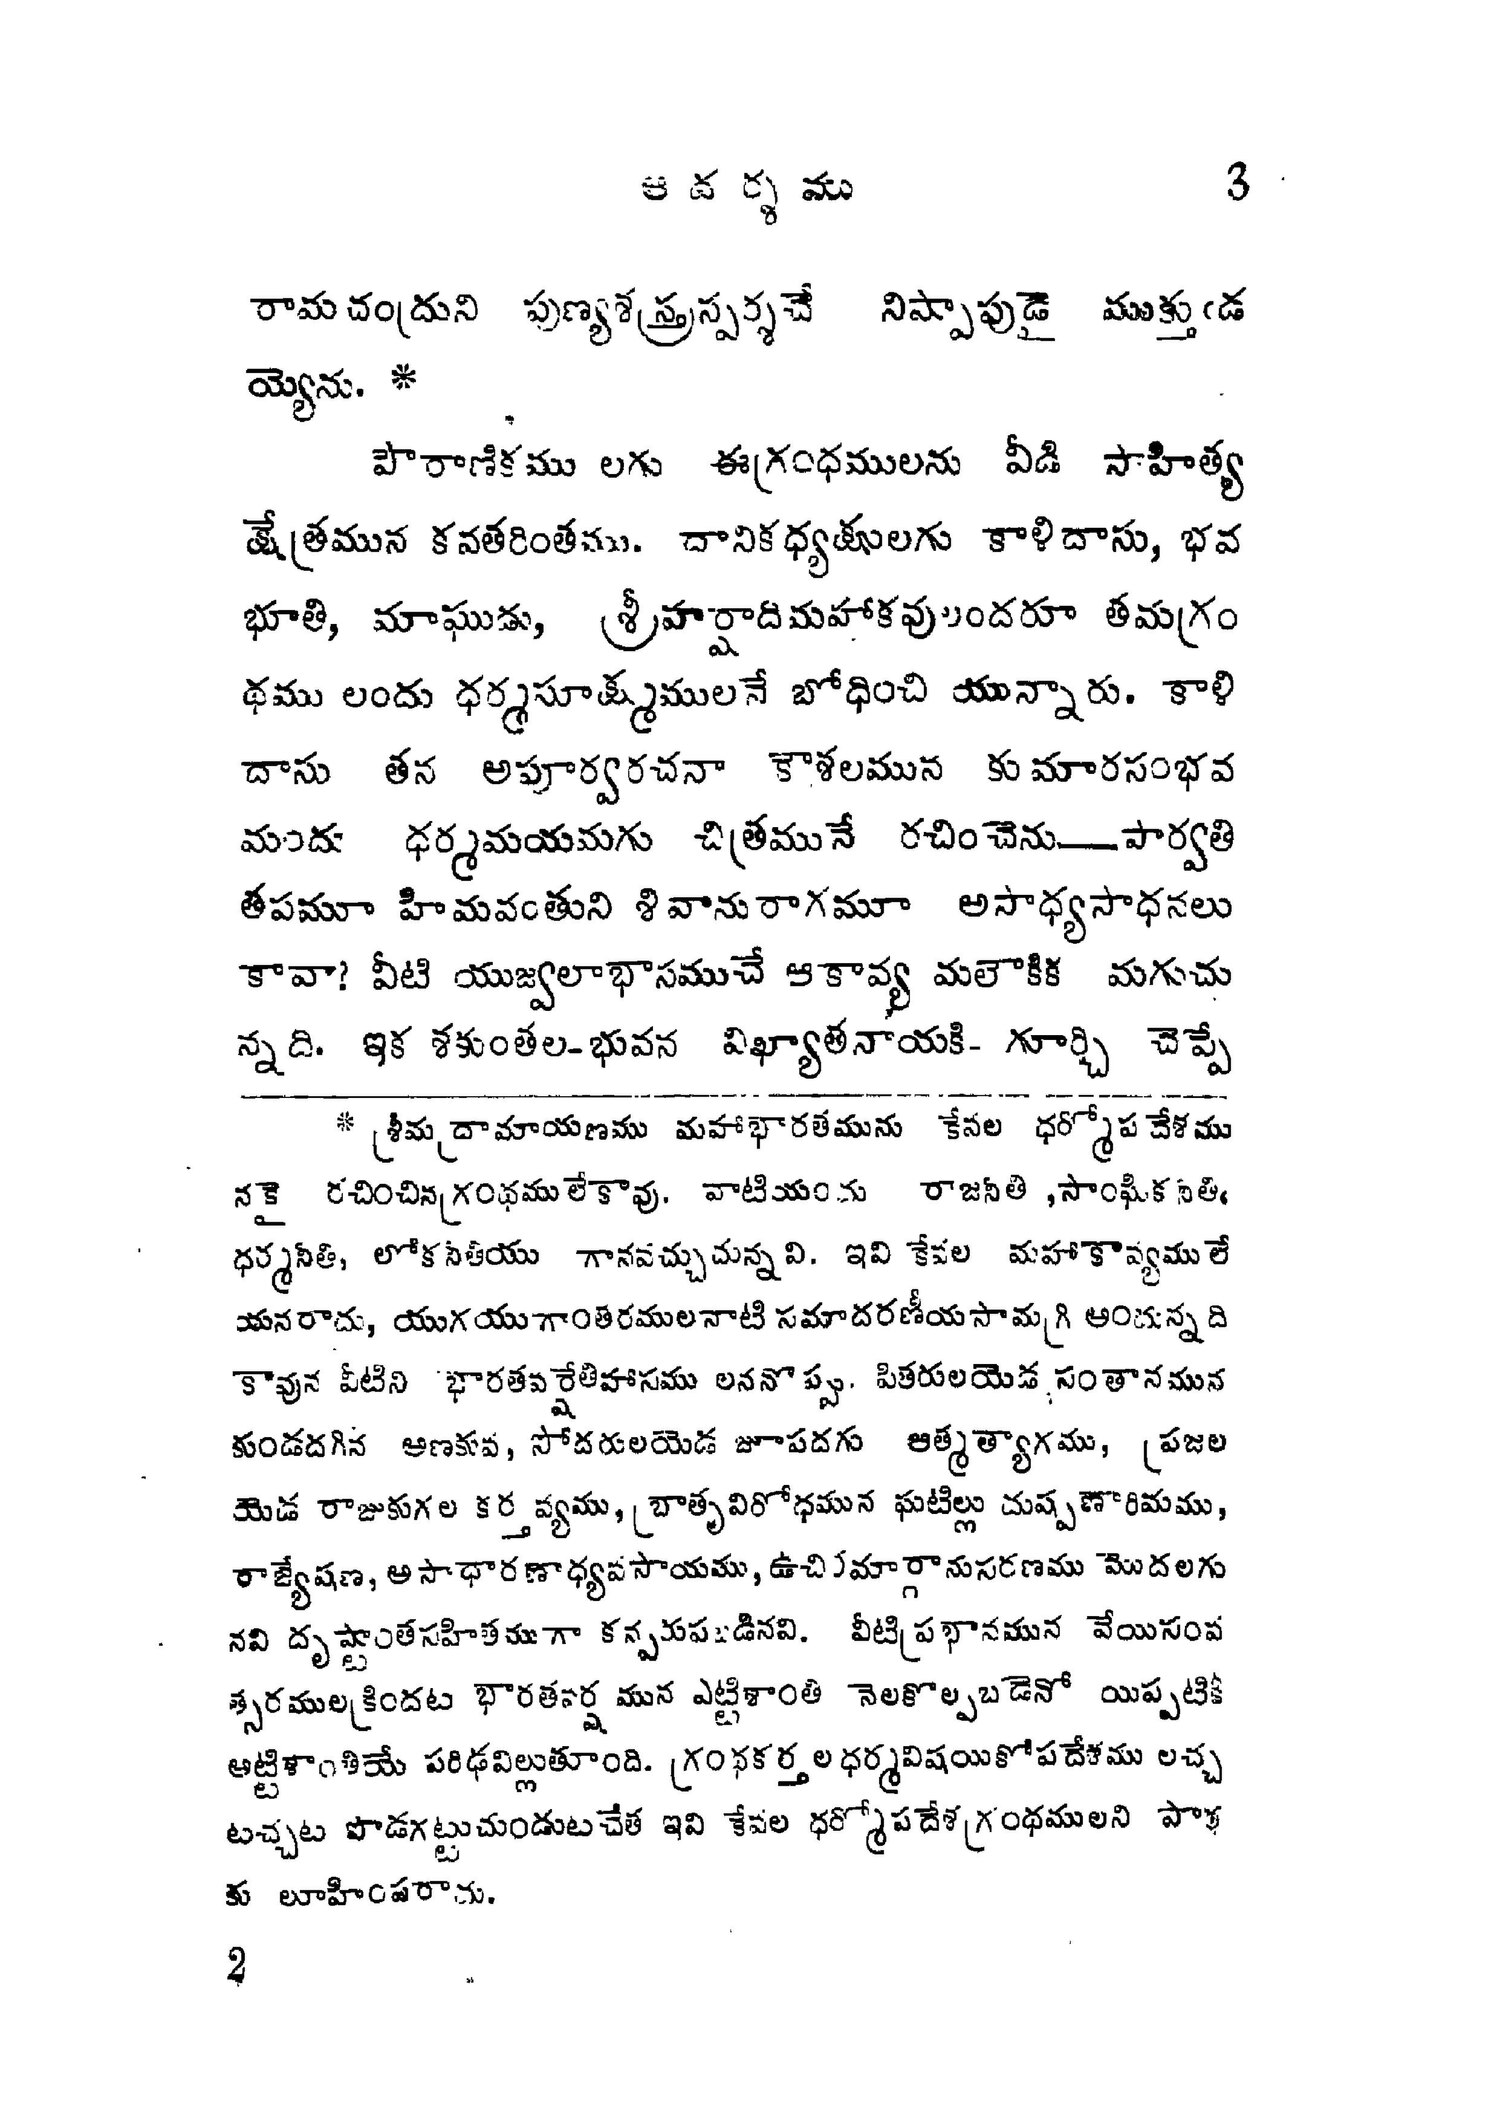రామచంద్రుని పుణ్యశస్త్రస్పర్శచే నిష్పాపుడై ముక్తుఁడయ్యెను. *

పౌరాణికములగు ఈగ్రంథములను వీడి సాహిత్య క్షేత్రమున కవతరింతము. దానికధ్యక్షులగు కాళిదాసు, భవభూతి, మాఘుడు, శ్రీహర్షాదిమహాకవులందరూ తమగ్రంథ లందు ధర్మసూక్ష్మములనే బోధించి యున్నారు. కాళిదాసు తన అపూర్వరచనా కౌశలమున కుమారసంభవ మందు ధర్మమయమగు చిత్రమునే రచించెను - పార్వతి తపమూ హిమవంతుని శివానురాగమూ అసాధ్యసాధనలు కావా? వీటి యుజ్వలాభాసముచే ఆకావ్య మలౌకిక మగుచున్నది. ఇక శకుంతల - భువన విఖ్యాతనాయకి - గూర్చి చెప్పే